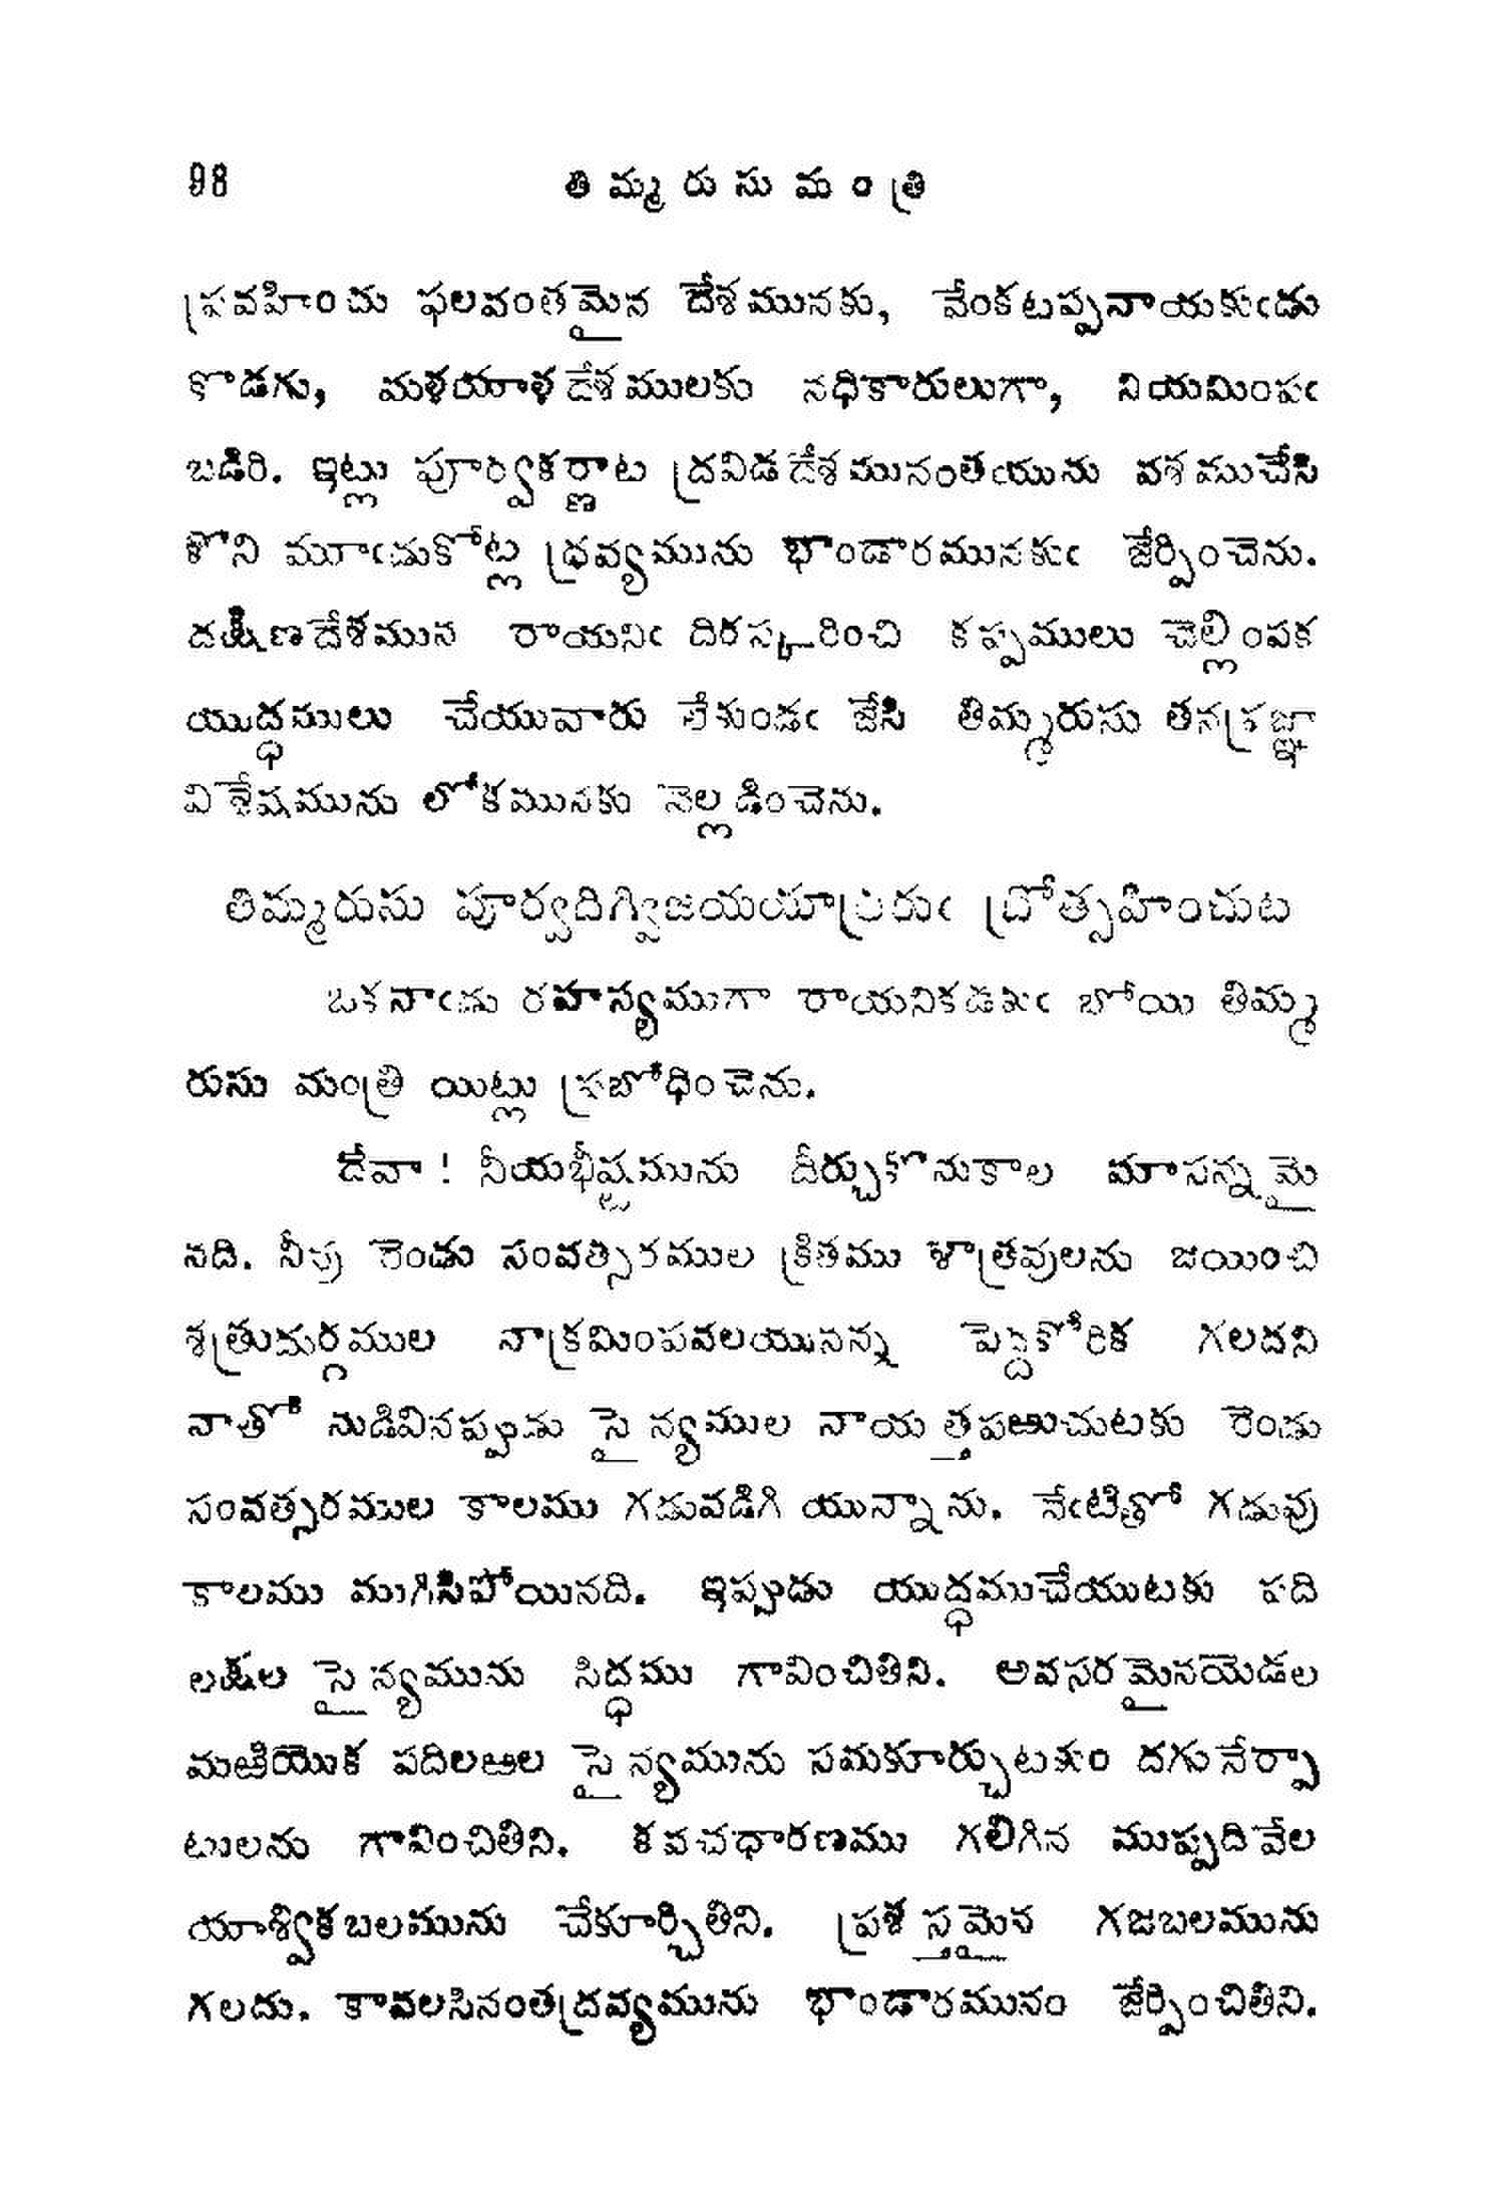ప్రవహించు ఫలవంతమైన దేశమునకు, వేంకటప్పనాయకుఁడు కొడగు, మళయాళదేశములకు నధికారులుగా, నియమింపఁ బడిరి. ఇట్లు పూర్వకర్లాట ద్రవిడదేశమునంతయును వశముచేసి కొని మూఁడుకోట్ల ద్రవ్యమును భాండారమునకుఁ జేర్పించెను. దక్షిణదేశమున రాయనిఁ దిరస్కరించి కప్పములు చెల్లింపక యుద్ధములు చేయువారు లేకుండఁ జేసి తిమ్మరుసు తనప్రజ్ఞా విశేషమును లోకమునకు వెల్లడించెను. 

ఒకనాఁడు రహస్యముగా రాయనికడకుఁ బోయి తిమ్మరుసు మంత్రి యిట్లు ప్రబోధించెను.

దేవా! నీయభీష్టమును దీర్చుకొనుకాల మాసన్నమైనది. నీపు రెండు సంవత్సరముల క్రితము శాత్రవులను జయించి శత్రుదుర్గముల నాక్రమింపవలయునన్న పెద్దికోరిక గలదని నాతో నుడివినప్పుడు సైన్యముల నాయత్తపఱుచుటకు రెండు సంవత్సరముల కాలము గడువడిగి యున్నాను. నేఁటితో గడువు కాలము ముగిసిపోయినది. ఇప్పుడు యుద్ధముచేయుటకు పది లక్షల సైన్యమును సిద్ధము గావించితిని. అవసరమైనయెడల మఱియొక పదిలక్షల సైన్యమును సమకూర్చుటకుం దగు నేర్పాటులను గావించితిని. కవచధారణము గలిగిన ముప్పదివేల యాశ్వికబలమును చేకూర్చితిని. ప్రశస్తమైన గజబలమును గలదు. కావలసినంత ద్రవ్యమును భాండారమునం జేర్పించితిని.